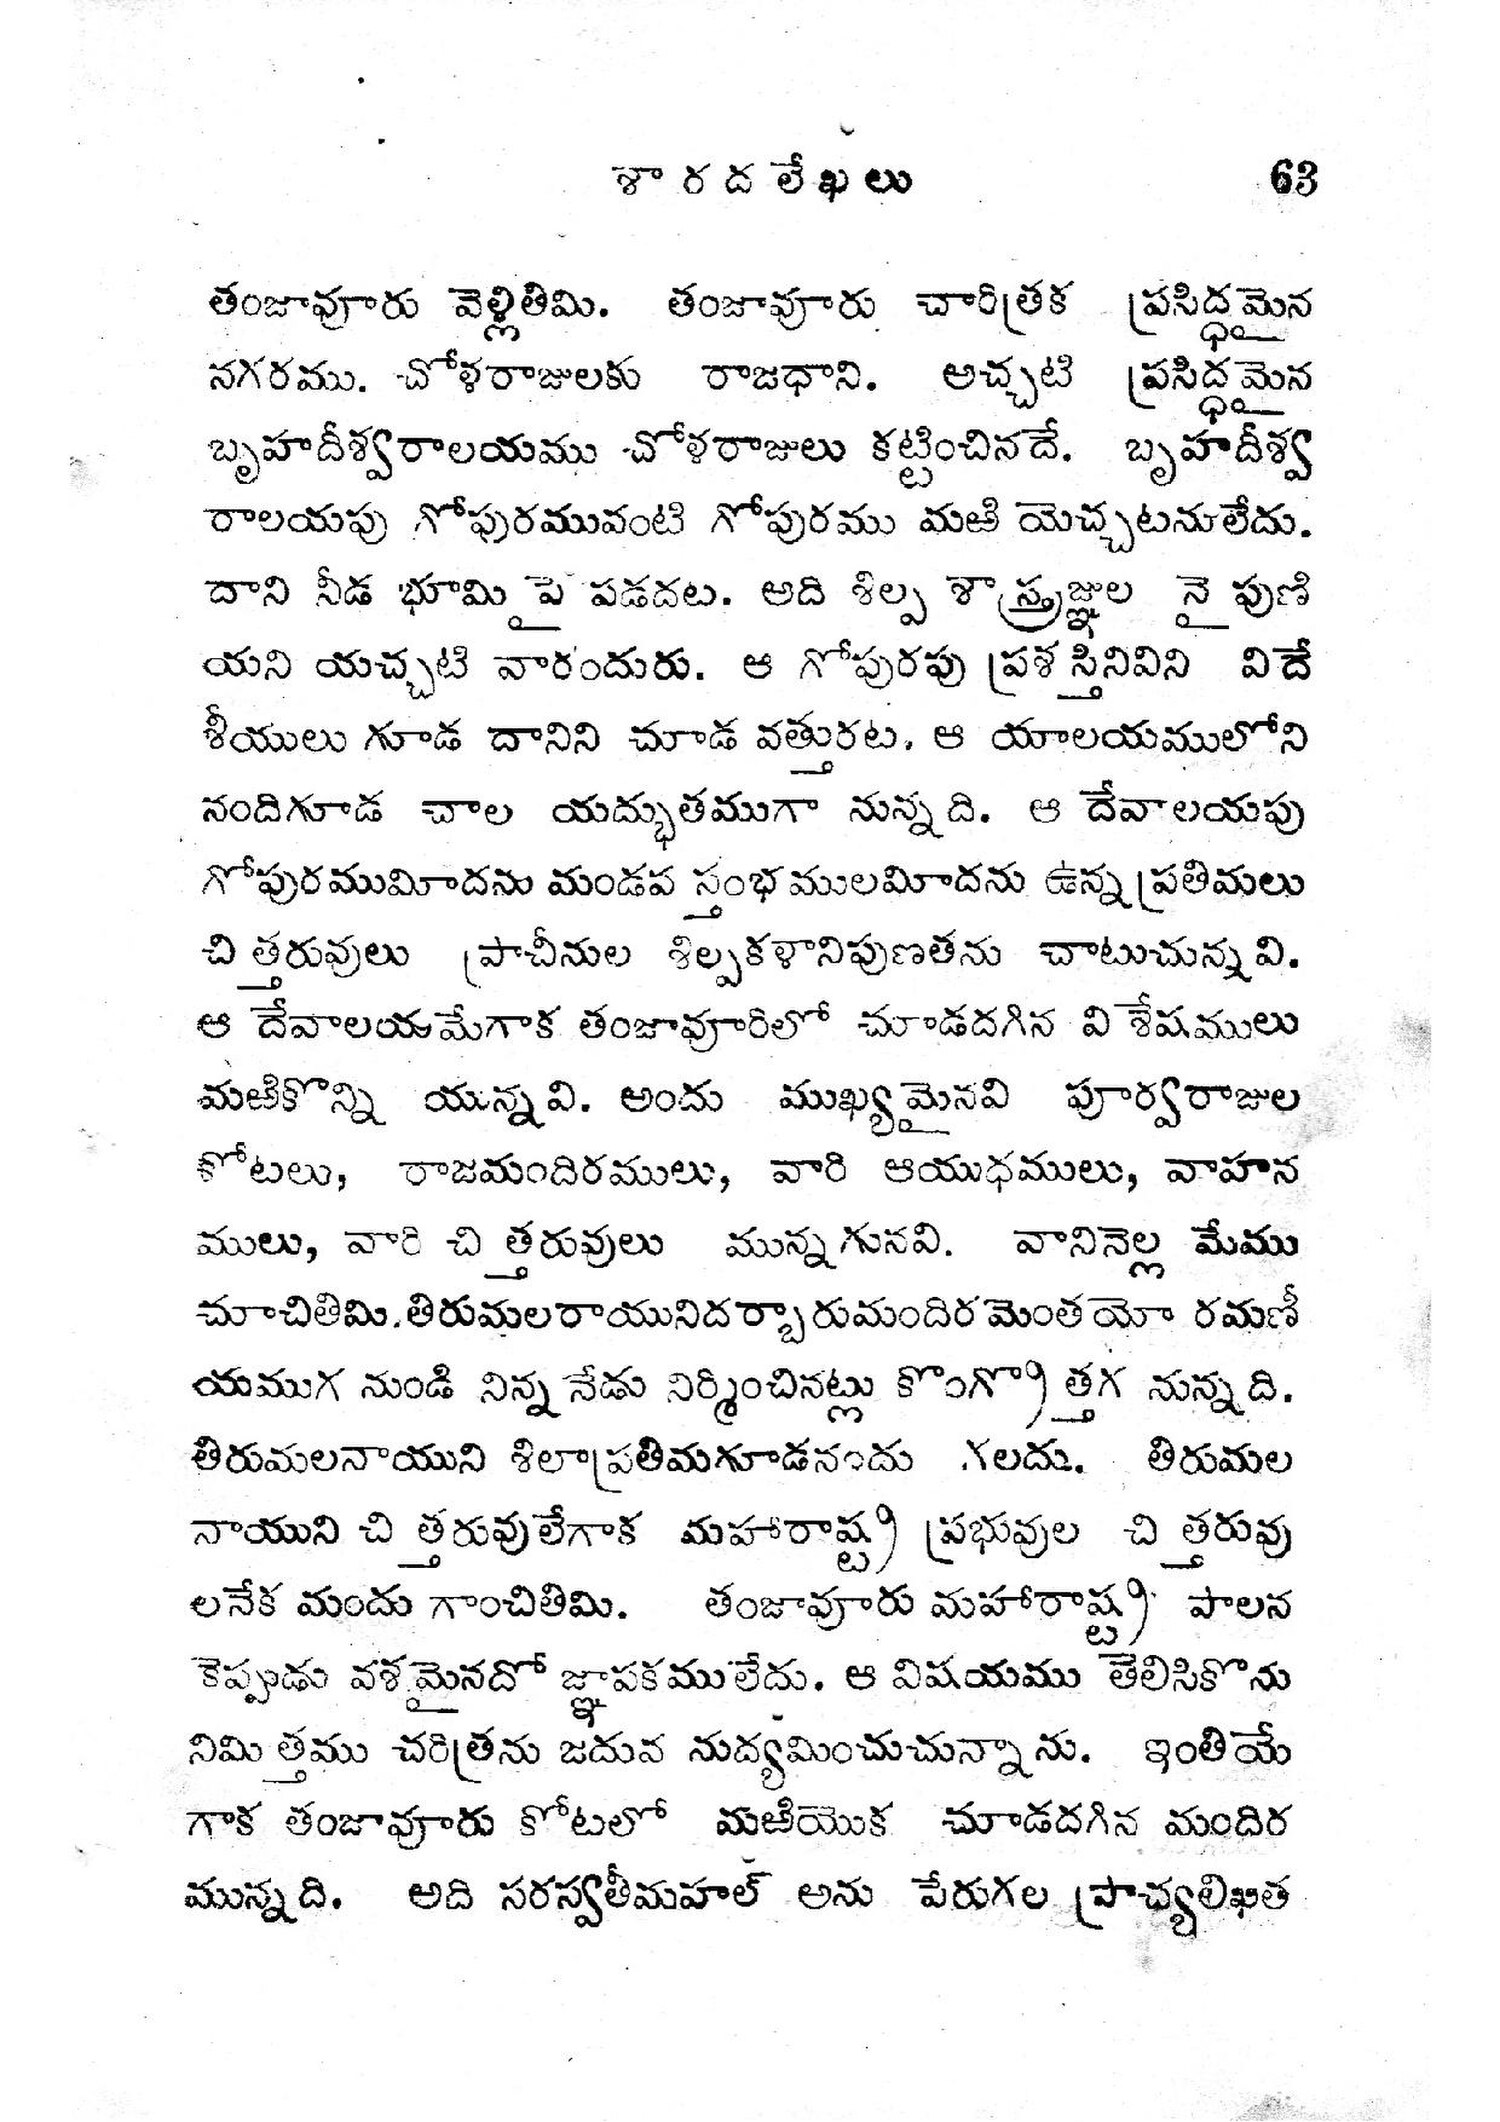తంజావూరు వెళ్లితిమి. తంజావూరు చారిత్రక ప్రసిద్ధమైన నగరము. చోళరాజులకు రాజధాని. అచ్చటి ప్రసిద్ధమైన బృహదీశ్వరాలయము చోళరాజులు కట్టించినదే. బృహదీశ్వరాలయపు గోపురమువంటి గోపురము మఱి యెచ్చటనులేదు. దాని నీడ భూమిపై పడదట. అది శిల్ప శాస్త్రజ్ఞుల నైపుణి యని యచ్చటి వారందురు. ఆ గోపురపు ప్రశస్తినివిని విదేశీయులు గూడ దానిని చూడ వత్తురట, ఆ యాలయములోని
నందిగూడ చాల యద్భుతముగా నున్నది. ఆ దేవాలయపు గోపురముమీదను మండప స్తంభములమీదను ఉన్న ప్రతిమలు చిత్తరువులు ప్రాచీనుల శిల్పకళానిపుణతను చాటుచున్నవి. ఆ దేవాలయమేగాక తంజావూరిలో చూడదగిన విశేషములు మఱికొన్ని యున్నవి. అందు ముఖ్యమైనవి పూర్వరాజుల కోటలు, రాజమందిరములు, వారి ఆయుధములు, వాహనములు, వారి చిత్తరువులు మున్నగునవి. వానినెల్ల మేము చూచితిమి.తిరుమలరాయునిదర్బారుమందిర మెంతయో రమణీయముగ నుండి నిన్న నేడు నిర్మించినట్లు కొంగ్రొత్తగ నున్నది. తిరుమలనాయుని శిలాప్రతిమగూడనందు గలదు. తిరుమలనాయుని చిత్తరువులేగాక మహారాష్ట్ర ప్రభువుల చిత్తరువు లనేక మందు గాంచితిమి. తంజావూరు మహారాష్ట్ర పాలనకెప్పుడు వశమైనదో జ్ఞాపకములేదు. ఆ విషయము తెలిసికొను నిమిత్తము చరిత్రను జదువ నుద్యమించుచున్నాను. ఇంతియే గాక తంజావూరు కోటలో మఱియొక చూడదగిన మందిరమున్నది.
అది సరస్వతీమహల్ అను పేరుగల ప్రాచ్యలిఖిత